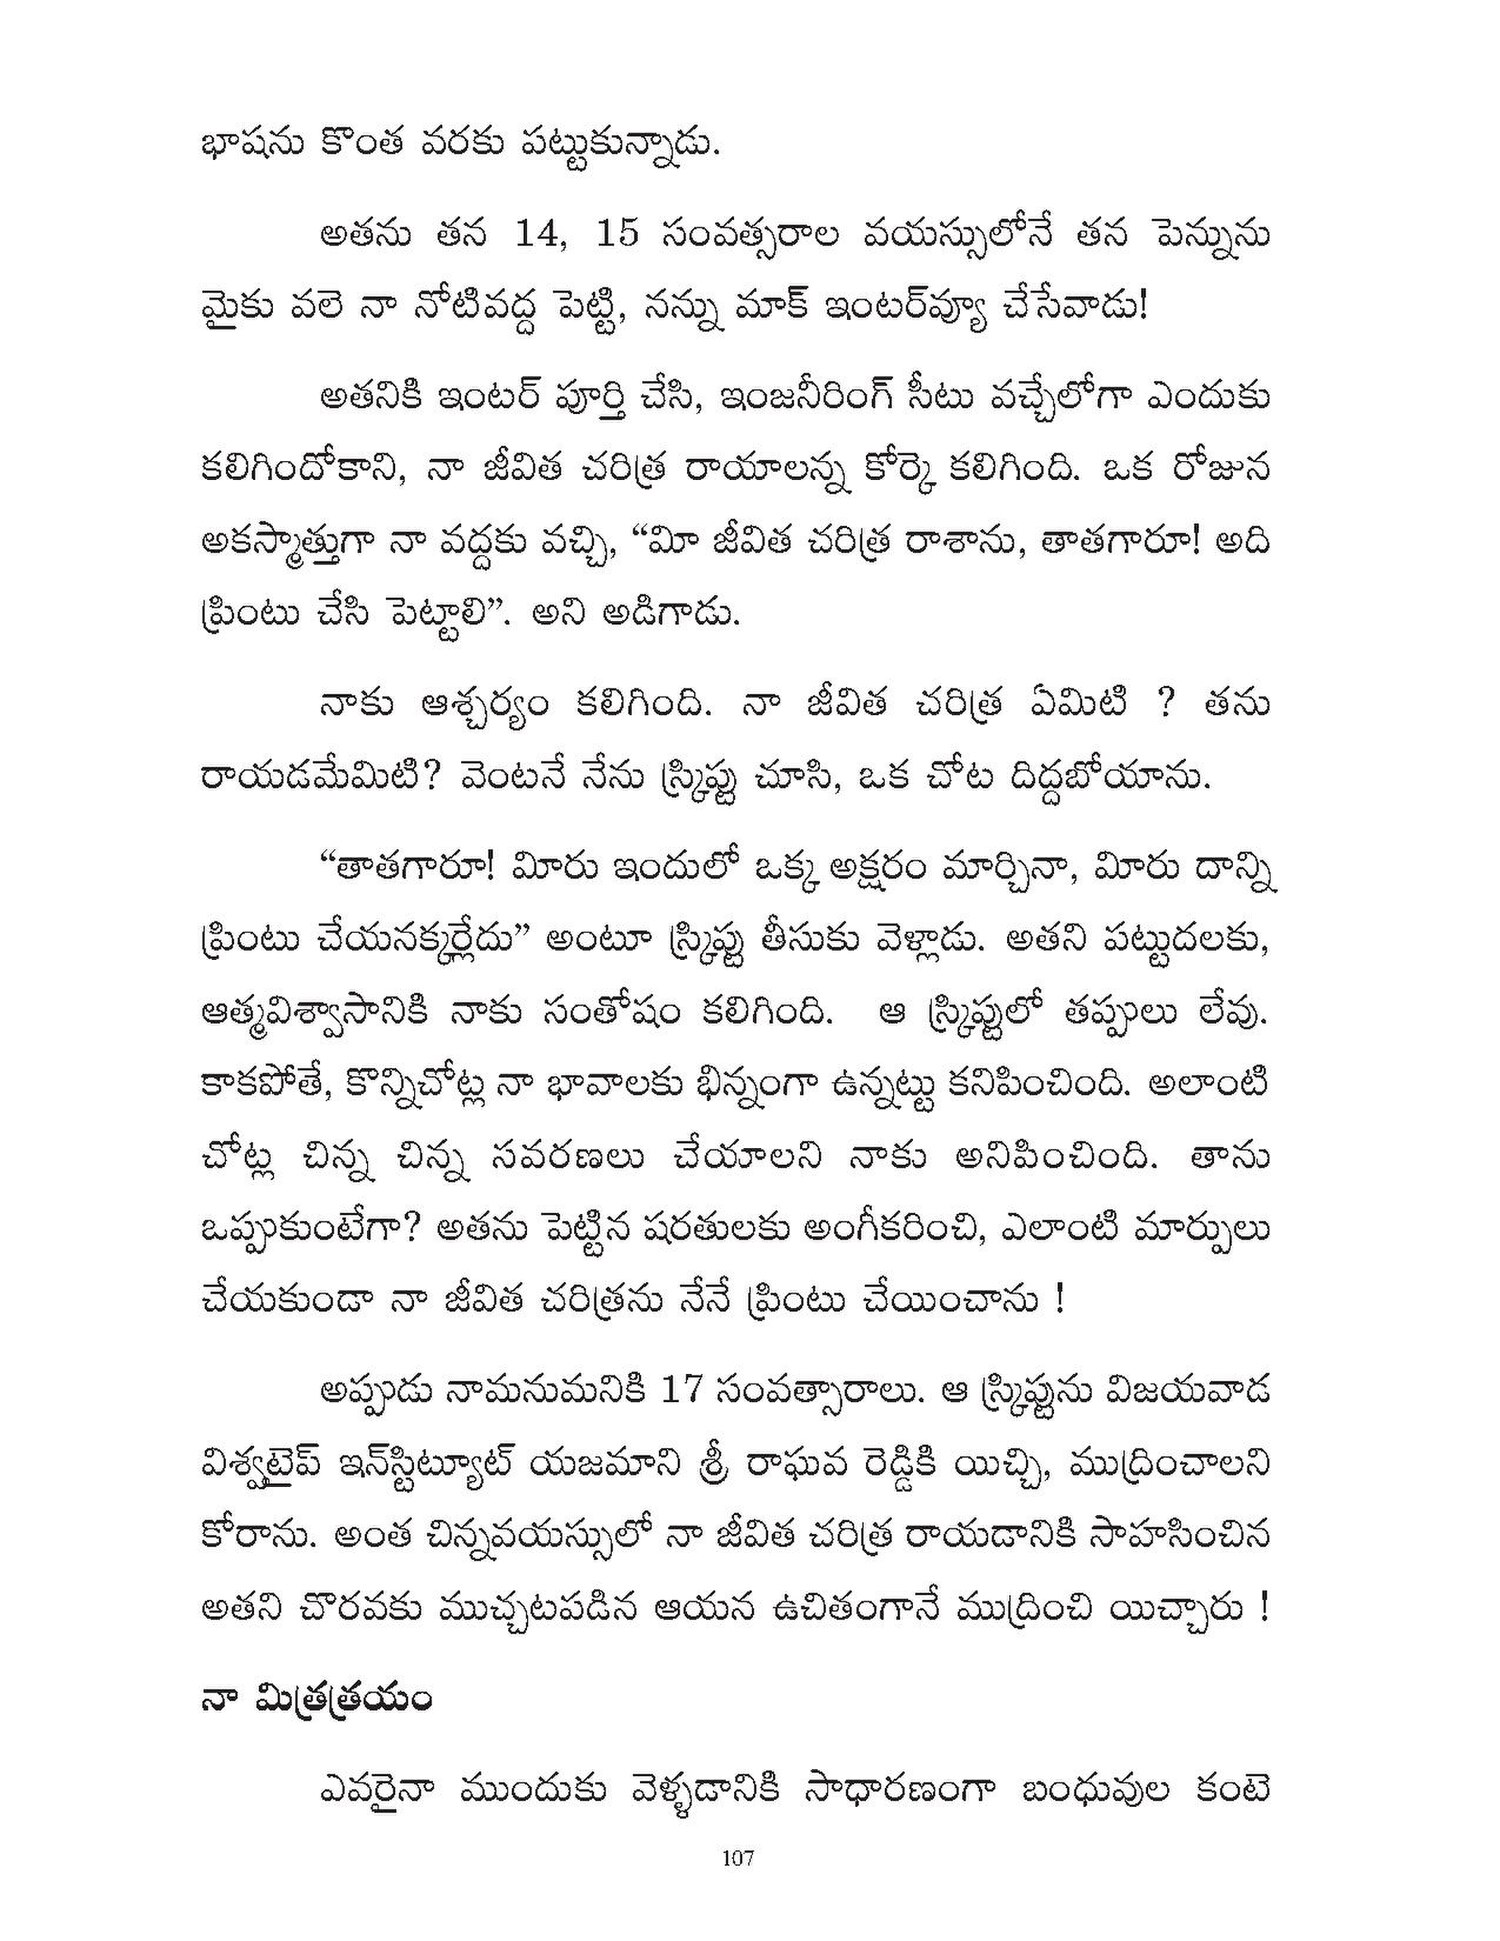భాషను కొంత వరకు పట్టుకున్నాడు.

అతను తన 14, 15 సంవత్సరాల వయస్సులోనే తన పెన్నును
మైకు వలె నా నోటివద్ద పెట్టి, నన్ను మాక్‌ ఇంటర్‌వ్యూ చేసేవాడు!

అతనికి ఇంటర్‌ పూర్తి చేసి, ఇంజనీరింగ్‌ సీటు వచ్చేలోగా ఎందుకు
కలిగిందోకాని, నా జీవిత చరిత్ర రాయాలన్న కోర్కె కలిగింది. ఒక రోజున
అకస్మాత్తుగా నా వద్దకు వచ్చి, "మీ జీవిత చరిత్ర రాశాను, తాతగారూ! అది
ప్రింటు చేసి పెట్టాలి", అని అడిగాడు.

నాకు ఆశ్చర్యం కలిగింది. నా జీవిత చరిత్ర ఏమిటి ? తను
రాయడమేమిటి? వెంటనే నేను స్క్రిప్టు చూసి, ఒక చోట దిద్దబోయాను.

"తాతగారూ! మీరు ఇందులో ఒక్క అక్షరం మార్చినా, మీరు దాన్ని
ప్రింటు చేయనక్కర్లేదు" అంటూ స్క్రిప్టు తీసుకు వెళ్లాడు. అతని పట్టుదలకు,
ఆత్మవిశ్వాసానికి నాకు సంతోషం కలిగింది. ఆ స్క్రిప్టులో తప్పులు లేవు.
కాకపోతే, కొన్నిచోట్ల నా భావాలకు భిన్నంగా ఉన్నట్టు కనిపించింది. అలాంటి
చోట్ల చిన్న చిన్న సవరణలు చేయాలని నాకు అనిపించింది. తాను
ఒప్పుకుంటేగా? అతను పెట్టిన షరతులకు అంగీకరించి, ఎలాంటి మార్పులు
చేయకుండా నా జీవిత చరిత్రను నేనే ప్రింటు చేయించాను !

అప్పుడు నామనుమనికి 17 సంవత్సారాలు. ఆ స్క్రిప్టును విజయవాడ
విశ్వటైప్‌ ఇన్‌స్టిట్యూట్‌ యజమాని శ్రీ రాఘవ రెడ్డికి యిచ్చి, ముద్రించాలని
కోరాను. అంత చిన్నవయస్సులో నా జీవిత చరిత్ర రాయడానికి సాహసించిన
అతని చొరవకు ముచ్చటపడిన ఆయన ఉచితంగానే ముద్రించి యిచ్చారు !

నా మిత్రత్రయం

ఎవరైనా ముందుకు వెళ్ళడానికి సాధారణంగా బంధువుల కంటె